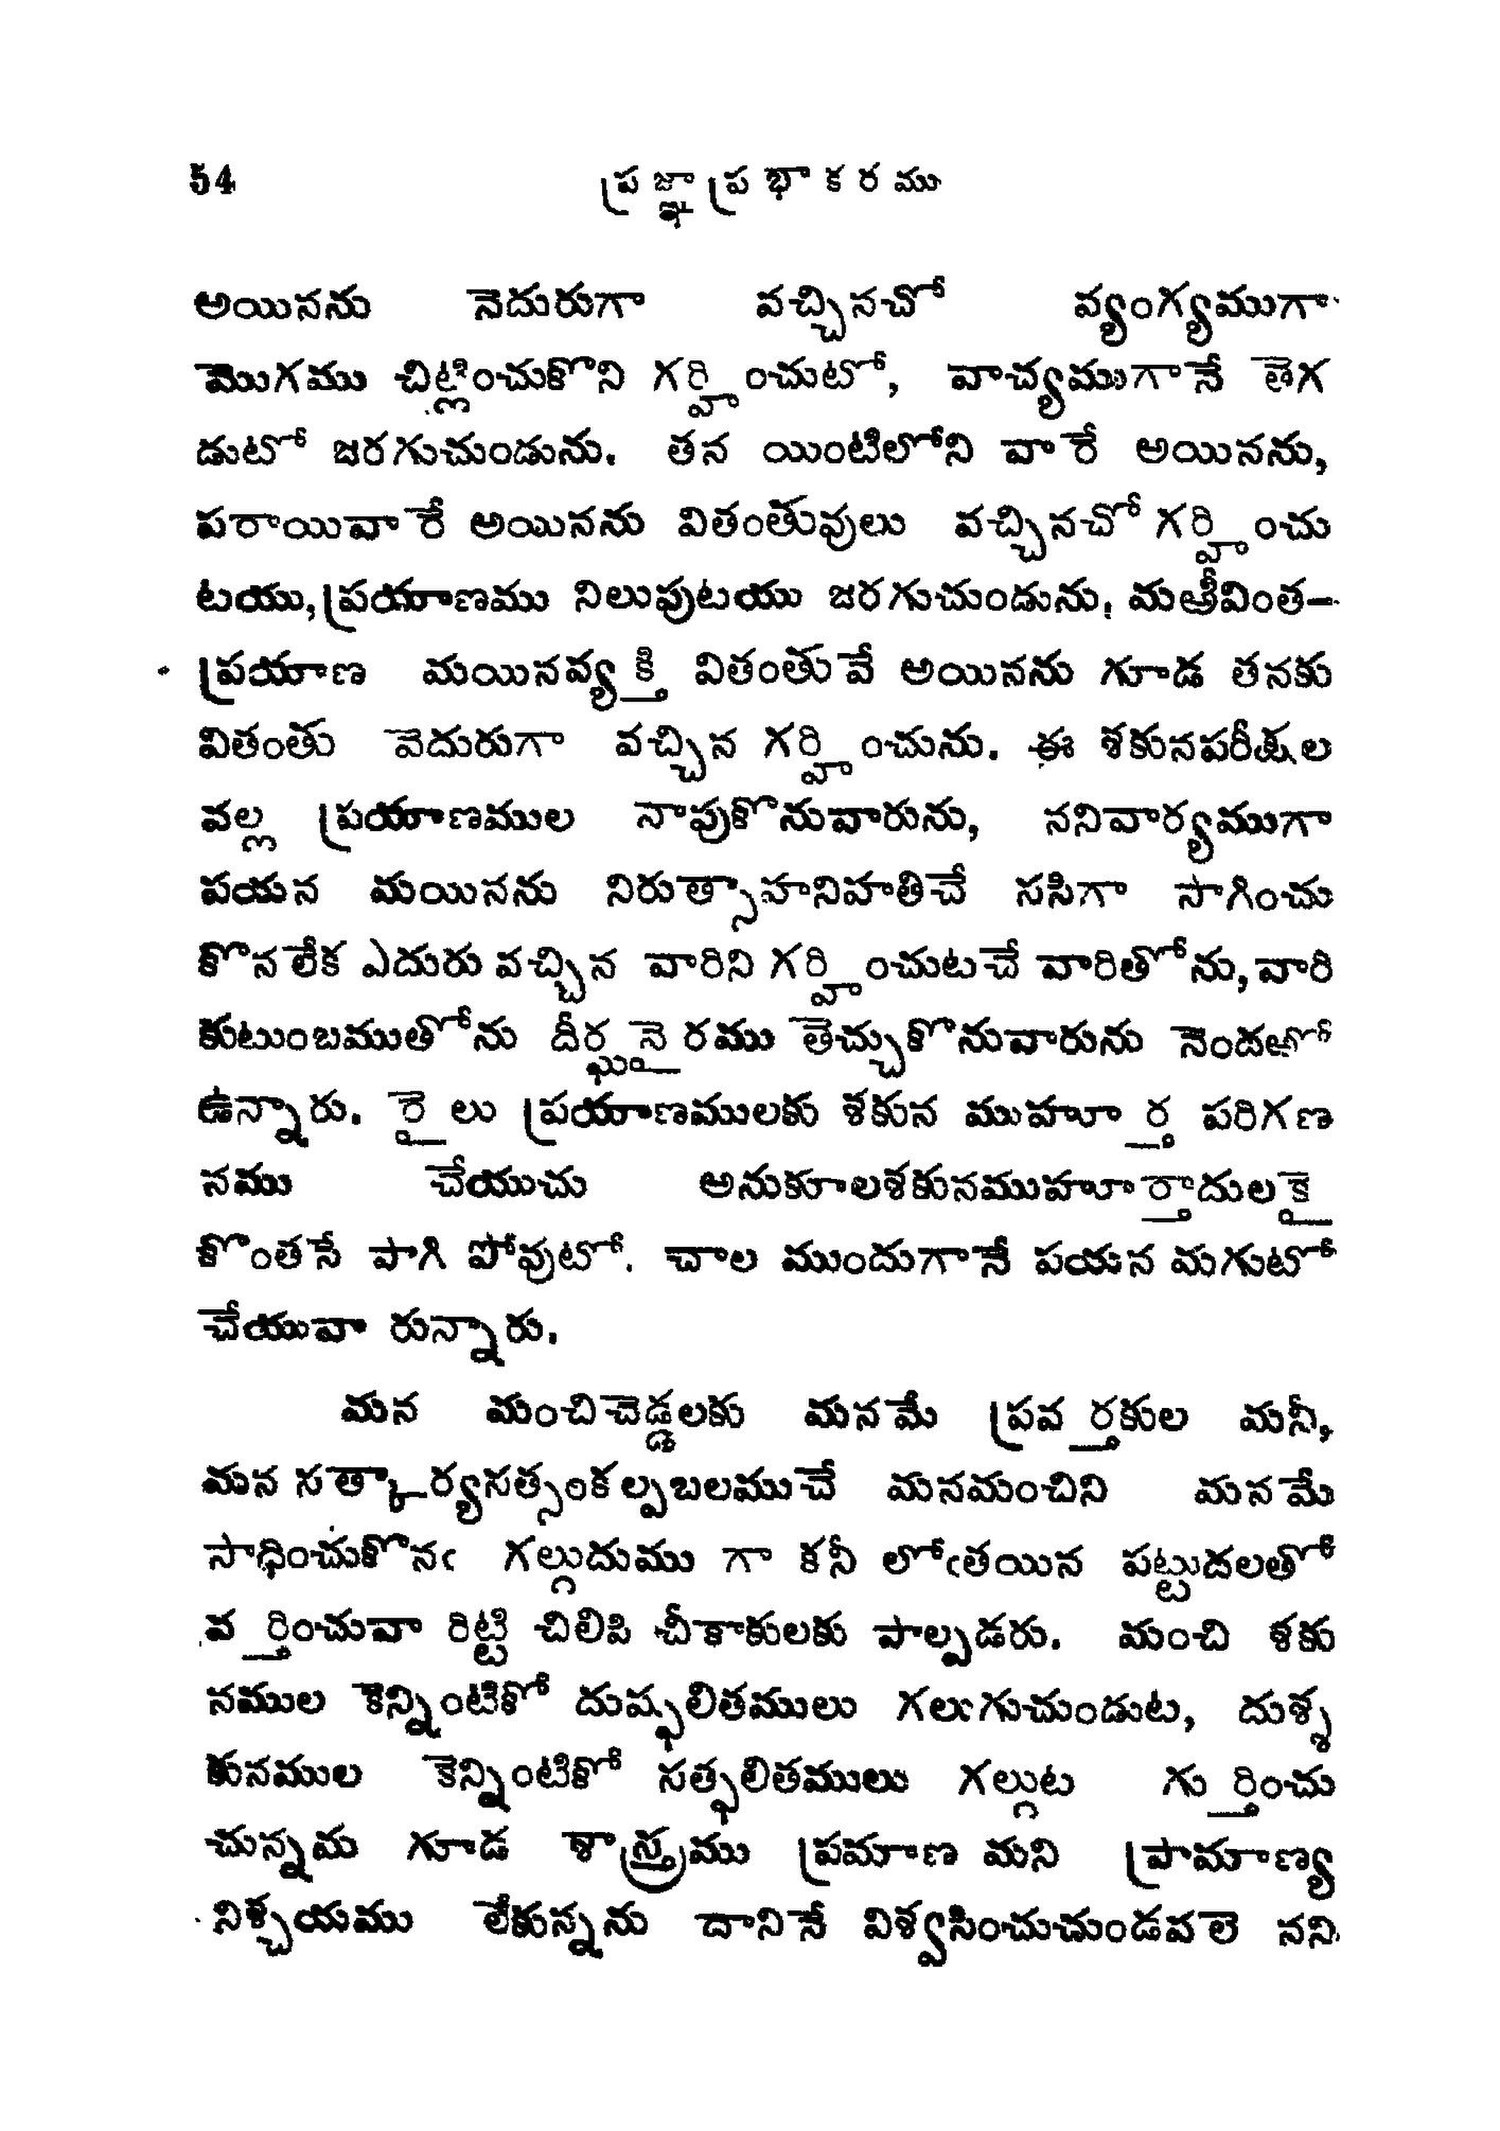అయినను నెదురుగా వచ్చినచో వ్యంగ్యముగా మొగము చిట్లించుకొని గర్హించుటో, వాచ్యముగానే తెగడుటో జరగు చుండును. తన యింటిలోని వారే అయినను, పరాయి వారె అయినను వితంతువు వచ్చినచో గర్హించుటయు, ప్రయాణము నిలుపుటయు జరుగుచుండును. మఱీవింత- ప్రయాణమయిన వ్యక్తి వితంతువే అయినను గూడ తనకు వితంతు వెదురుగా వచ్చిన గర్హించును. ఈ శకునపరిక్షల వల్ల ప్రయాణముల నాపుకొనువారును, నని వార్యముగా పయన మయినను నిరుత్సాహనిహతిచే ససిగా సాగించుకొనలేక ఎదురు వచ్చిన వారిని గర్హించుటచే వారితోను, వారి కుటుంబముతోను దీర్ఘ వైరము తెచ్చుకొనువారును నెందఱో ఉన్నారు. రైలు ప్రయాణములకు శకున ముహూర్త పరిగణ నము చేయుచు అనుకూల శకునముహూర్తాదులకై కొంతసే పాగి పోవుటో చాల ముందుగానే పయన మగుటో చేయువారున్నారు. 
 
మన మంచిచెడ్డలకు మనమే ప్రవర్తకుల మనీ, మన సత్కార్యసత్సంకల్ప బలముచే మన మంచిని మనమే సాధించు కొనఁ గల్గుదుము గా కనీ లోఁతయిన పట్టుదలతో వర్తించు వా రిట్టి చిలిపి చీ కాకులకు పాల్పడరు. మంచి శకునములకేన్నింటి కోదుష్పలితములు గలుగుచుండుట, దుస్స కునముల కేన్నింటికో సత్ఫలితములు గల్గుట గుర్తించుచున్నను గూడ శాస్త్రము ప్రమాణ మని ప్రామాణ్య నిశ్చయము లేకున్నను దానినే విశ్వసించుచుండవలె నని